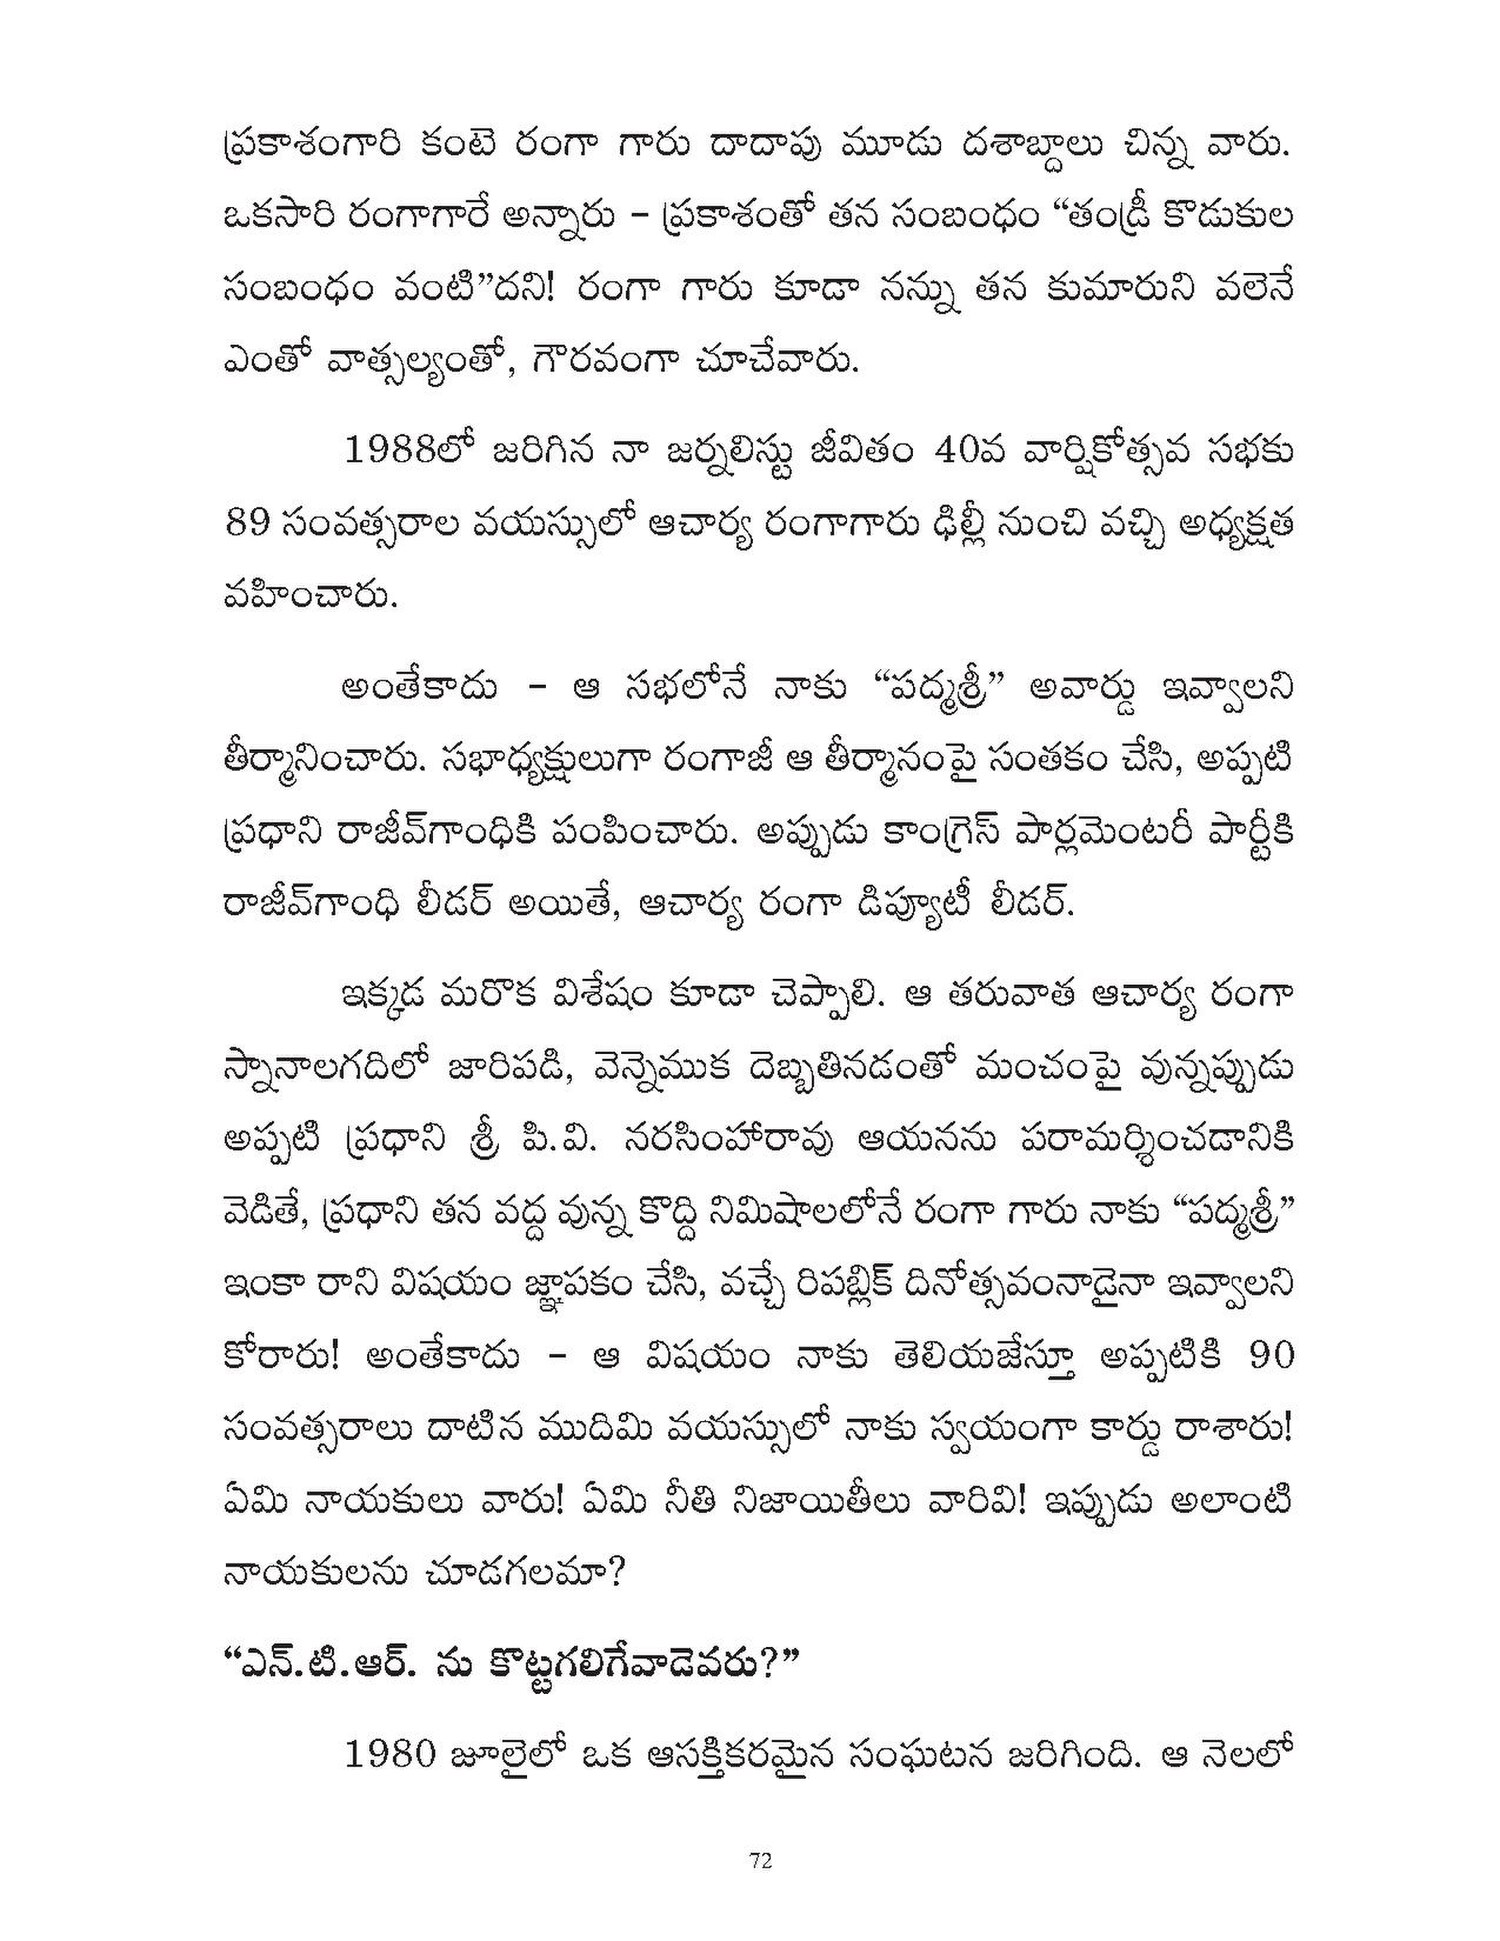ప్రకాశంగారి కంటె రంగా గారు దాదాపు మూడు దశాబ్దాలు చిన్న వారు.
ఒకసారి రంగాగారే అన్నారు - ప్రకాశంతో తన సంబంధం "తండ్రీ కొడుకుల
సంబంధం వంటి"దని! రంగా గారు కూడా నన్ను తన కుమారుని వలెనే
ఎంతో వాత్సల్యంతో, గౌరవంగా చూచేవారు.

1988లో జరిగిన నా జర్నలిస్టు జీవితం 40వ వార్షికోత్సవ సభకు
89 సంవత్సరాల వయస్సులో ఆచార్య రంగాగారు ఢిల్లీ నుంచి వచ్చి అధ్యక్షత
వహించారు.

అంతేకాదు - ఆ సభలోనే నాకు "పద్మశ్రీ" అవార్డు ఇవ్వాలని
తీర్మానించారు. సభాధ్యక్షులుగా రంగాజీ ఆ తీర్మానంపై సంతకం చేసి, అప్పటి
ప్రధాని రాజీవ్‌గాంధికి పంపించారు. అప్పుడు కాంగ్రెస్‌ పార్లమెంటరీ పార్టీకి
రాజీవ్‌గాంధి లీడర్‌ అయితే, ఆచార్య రంగా డిప్యూటీ లీడర్‌.

ఇక్కడ మరొక విశేషం కూడా చెప్పాలి. ఆ తరువాత ఆచార్య రంగా
స్నానాలగదిలో జారిపడి, వెన్నెముక దెబ్బతినడంతో మంచంపై వున్నప్పుడు
అప్పటి ప్రధాని శ్రీ పి.వి. నరసింహారావు ఆయనను పరామర్శించడానికి
వెడితే, ప్రధాని తన వద్ద వున్న కొద్ది నిమిషాలలోనే రంగా గారు నాకు "పద్మశ్రీ"
ఇంకా రాని విషయం జ్ఞాపకం చేసి, వచ్చే రిపబ్లిక్‌ దినోత్సవంనాడైనా ఇవ్వాలని
కోరారు! అంతేకాదు - ఆ విషయం నాకు తెలియజేస్తూ అప్పటికి 90
సంవత్సరాలు దాటిన ముదిమి వయస్సులో నాకు స్వయంగా కార్డు రాశారు!
ఏమి నాయకులు వారు! ఏమి నీతి నిజాయితీలు వారివి! ఇప్పుడు అలాంటి
నాయకులను చూడగలమా?

"ఎన్‌.టి.ఆర్‌. ను కొట్టగలిగేవాడెవరు?"

1980 జూలైలో ఒక ఆసక్తికరమైన సంఘటన జరిగింది. ఆ నెలలో